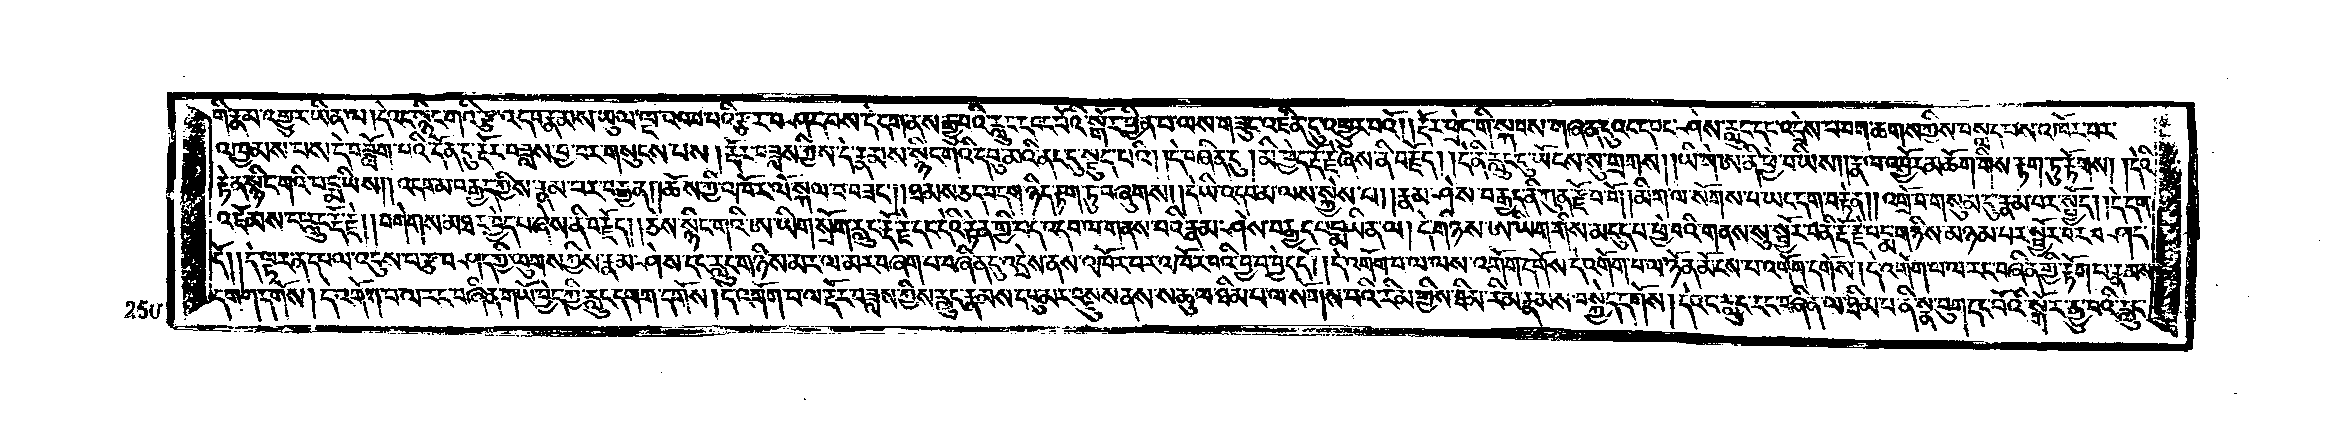གི་རྣམ་འགྱུར་ཡིན་ལ། དེའང་སྙིང་གའི་རྩ་འདབ་རྣམས་ཡུལ་ལྔ་འབབ་པའི་རྩར་བཤད་པས་དེ་དག་ནས་རྒྱུ་བའི་རླུང་དབང་པོའི་སྒོར་ཕྱིན་པ་ལས་གཟུང་འཛིན་དུ་འགྱུར་བའོ། །རྡོར་ཕྲེང་གི་སྐབས་གཞན་དུའང་དབང་ཤེས་རླུང་དང་འདྲེས་པ་བག་ཆགས་ཀྱིས་བསླད་པས་འཁོར་བར་
འཁྱམས་པས་དེ་བཟློག་པའི་དོན་དུ་རྡོར་བཟླས་བྱ་བར་གསུངས་པས། རྡོར་བཟླས་ཀྱིས་དེ་རྣམས་སྙིང་གའི་དབུ་མའི་ནང་དུ་སྡུད་པའོ། །དེ་བཞིན་དུ། མི་ཕྱེད་རྡོ་རྗེ་ཞེས་ནི་བརྗོད། །དེ་ནི་རླུང་དུ་ཡོངས་སུ་གྲགས། །ཡི་གེ་ཨ་ནི་ཕྱེ་བ་ཡིས། །རྣལ་འབྱོར་མཆོག་གིས་རྟག་ཏུ་རྟོགས། །དེའི་
རྟེན་སྙིང་གའི་པདམ་ཡིས། །འདབ་མ་བརྒྱད་ཀྱིས་རྣམ་པར་བརྒྱན། །ཆོས་ཀྱི་འཁོར་ལོ་སྐལ་བ་བཟང་། །ཐམས་ཅད་བདག་ཉིད་རྟག་ཏུ་བཞུགས། །དེ་ཡི་འདབ་མ་ལས་སྐྱེས་པ། །རྣམ་ཤེས་བརྒྱད་ནི་ཀུན་རྫོབ་བོ། །མིག་ལ་སོགས་པ་ཡང་དག་བརྟེན། །འགྲོ་བ་གསུམ་དུ་རྣམ་པར་སྤྱོད། །དེ་དག་
འཇོམས་པ་རླུང་རྡོ་རྗེ། །བགེགས་མཐར་བྱེད་པ་ཞེས་ནི་བརྗོད། །ཅེས་སྙིང་གའི་ཨ་ཡིག་སྲོག་རླུང་རྡོ་རྗེ་དང་དེའི་རྟེན་གྱི་པད་འདབ་ལ་གནས་པའི་རྣམ་ཤེས་བརྒྱད་པདམ་ཡིན་ལ། དེ་གཉིས་ཨ་ཡིག་གིས་མདུད་པ་ཕྱེ་བའི་གནས་སུ་སྦྱོར་བ་ནི་རྡོ་རྗེ་པདམ་གཉིས་མཉམ་པར་སྦྱོར་བར་བཤད་
དོ། །དེ་ལྟར་ན་དཔལ་འདུས་པ་རྩ་བཤད་ཀྱི་ལུགས་ཀྱིས་རྣམ་ཤེས་དང་རླུང་གཉིས་མར་ལ་མར་བཞག་པ་བཞིན་དུ་འདྲེས་ནས་འཁོར་བར་འཁོར་བའི་བྱ་བ་བྱེད་དོ། །དེ་འགོག་པ་ལ་ལས་འགོག་དགོས་དེ་འགོག་པ་ལ་ཉོན་མོངས་པ་འགོག་དགོས། དེ་འགོག་པ་ལ་རང་བཞིན་གྱི་རྟོག་པ་རྣམས་
དགག་དགོས། དེ་འགོག་པ་ལ་རང་བཞིན་གཡོ་བྱེད་ཀྱི་རླུང་དགག་དགོས། དེ་འགོག་པ་ལ་རྡོར་བཟླས་ཀྱིས་རླུང་རྣམས་དབུ་མར་བསྡུས་ནས་ས་ཆུ་ལ་ཐིམ་པ་ལ་སོགས་པའི་རིམ་གྱིས་ཐིམ་རིམ་རྣམས་བསྐྱེད་དགོས། དེའང་རླུང་རང་བཞིན་ལ་ཐིམ་པ་ནི་སྣ་བུག་དང་པོའི་སྒོར་རྒྱུ་བའི་རླུང་